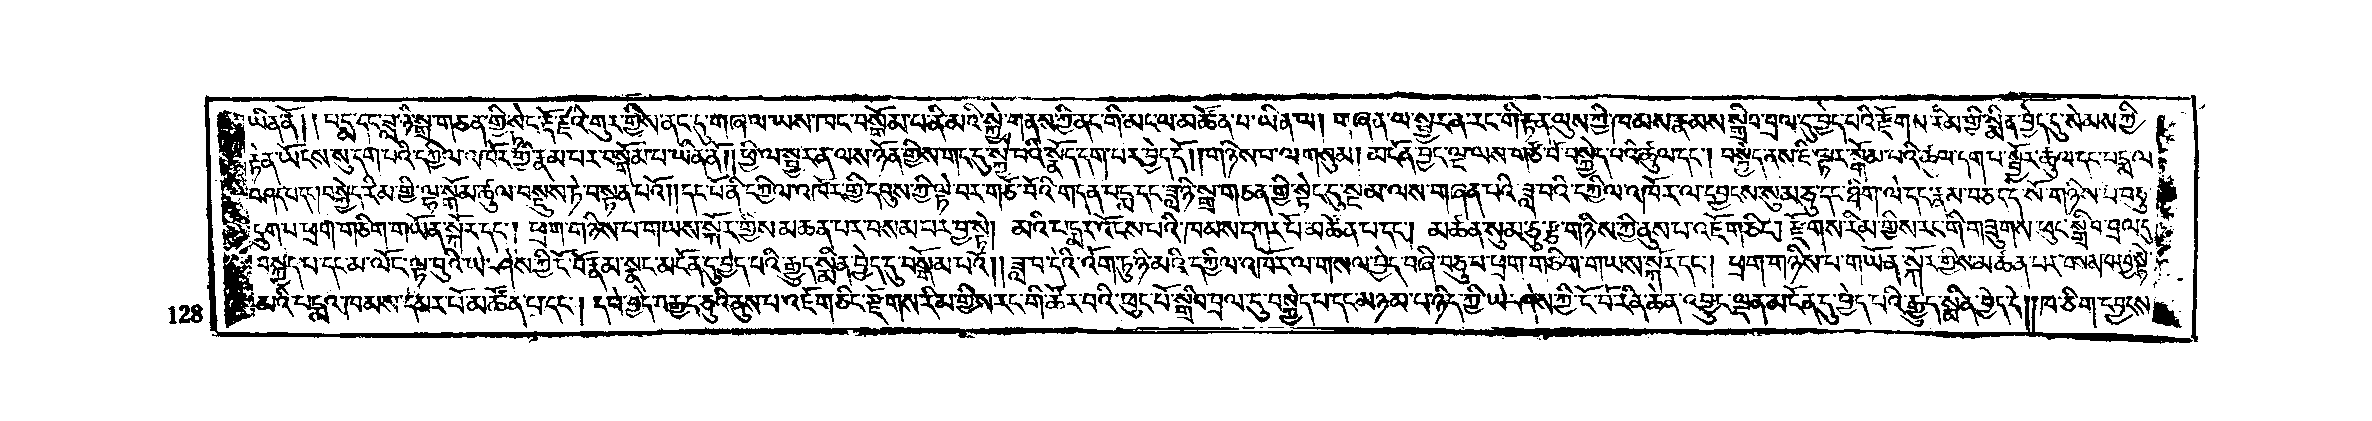ཡིན་ནོ། །པདམ་དང་ཟླ་ཉི་སྒྲ་གཅན་གྱི་སྟེང་རྡོ་རྗེའི་གུར་གྱིས་ནང་དུ་གཞལ་ཡས་ཁང་བསྒོམ་པ་ནི་མའི་སྐྱེ་གནས་ཀྱི་ནང་གི་མང་ལ་མཚོན་པ་ཡིན་ལ། གཞན་ལ་སྦྱར་ན་རང་གི་རྟན་ལུས་ཀྱི་ཁམས་རྣམས་སྒྲིབ་བྲལ་དུ་བྱེད་པའི་རྫོགས་རིམ་གྱི་སྨིན་བྱེད་དུ་སེམས་ཀྱི་
རྟེན་ཡོངས་སུ་དག་པའི་དཀྱིལ་འཁོར་གྱི་རྣམ་པར་བསྒོམ་པ་ཡིན་ནོ། །ཕྱི་ལ་སྦྱར་ན་ལས་ཉོན་གྱིས་གང་དུ་སྐྱེ་བའི་སྣོད་དག་པར་བྱེད་དོ། །གཉིས་པ་ལ་གསུམ། མངོན་བྱད་ལྔ་ལས་གཙོ་བོ་བསྐྱེད་པའི་ཚུལ་དང་། བསྐྱེད་ནས་ཇི་ལྟར་སྒོམ་པའི་ཚུལ་དག་པ་སྦྱོར་ཚུལ་དང་པདམ་ལ་
བཤད་པ་དང་། བསྐྱེད་རིམ་གྱི་ལྷ་སྒོམ་ཚུལ་བསྡུས་ཏེ་བསྟན་པའོ། །དང་པོ་ནི་དཀྱིལ་འཁོར་གྱི་དབུས་ཀྱི་ལྟེ་བར་གཙོ་བོའི་གདན་པདམ་དང་ཟླ་ཉི་སྒྲ་གཅན་གྱི་སྟེང་དུ་སྔ་མ་ལས་གཞན་པའི་ཟླ་བའི་དཀྱིལ་འཁོར་ལ་དབྱངས་སུམ་ཅུ་དང་ཐིག་ལེ་དང་རྣམ་བཅད་དེ་སོ་གཉིས་པ་བཅུ་
དྲུག་པ་ཕྲག་གཅིག་གཡོན་སྐོར་དང་། ཕྲག་གཉིས་པ་གཡས་སྐོར་གྱིས་མཆན་པར་བསམ་པར་བྱ་སྟེ། མའི་པདམར་འོངས་པའི་ཁམས་དཀར་པོ་མཚོན་པ་དང་། མཚན་སུམ་ཅུ་རྩ་གཉིས་ཀྱི་ནུས་པ་འཇོག་ཅིང་། རྫོགས་རིམ་གྱིས་རང་གི་གཟུགས་ཕུང་སྒྲིབ་བྲལ་དུ་
བསྐྱེད?་པ་དང་མེ་ལོང་ལྟ་བུའི་ཡེ་ཤེས་ཀྱི་ངོ་བོ་རྣམ་སྣང་མངོན་དུ་བྱེད་པའི་རྒྱུད་སྨིན་བྱེད་དུ་བསྒོམ་པའོ། །ཟླ་བ་དེའི་འོག་ཏུ་ཉི་མའི་དཀྱིལ་འཁོར་ལ་གསལ་བྱེད་བཞི་བཅུ་པ་ཕྲག་གཅིག་གཡས་སྐོར་དང་། ཕྲག་གཉིས་པ་གཡོན་སྐོར་གྱིས་མཚན་པར་བསམ་པར་བྱ་སྟེ་
མའི་པདམའི་ཁམས་དམར་པོ་མཚོན་པ་དང་། དཔེ་བྱེད་བརྒྱད་ཅུའི་ནུས་པ་འཇོག་ཅིང་རྫོགས་རིམ་གྱིས་རང་གི་ཚོར་བའི་ཕུང་པོ་སྒྲིབ་བྲལ་དུ་བསྐྱེད་པ་དང་མཉམ་པ་ཉིད་ཀྱི་ཡེ་ཤེས་ཀྱི་ངོ་བོ་རིན་ཆེན་འབྱུང་ལྡན་མངོན་དུ་བྱེད་པའི་རྒྱུད་སྨིན་བྱེད་དེ། ཨི།ཁ་ཅིག་དབྱངས་